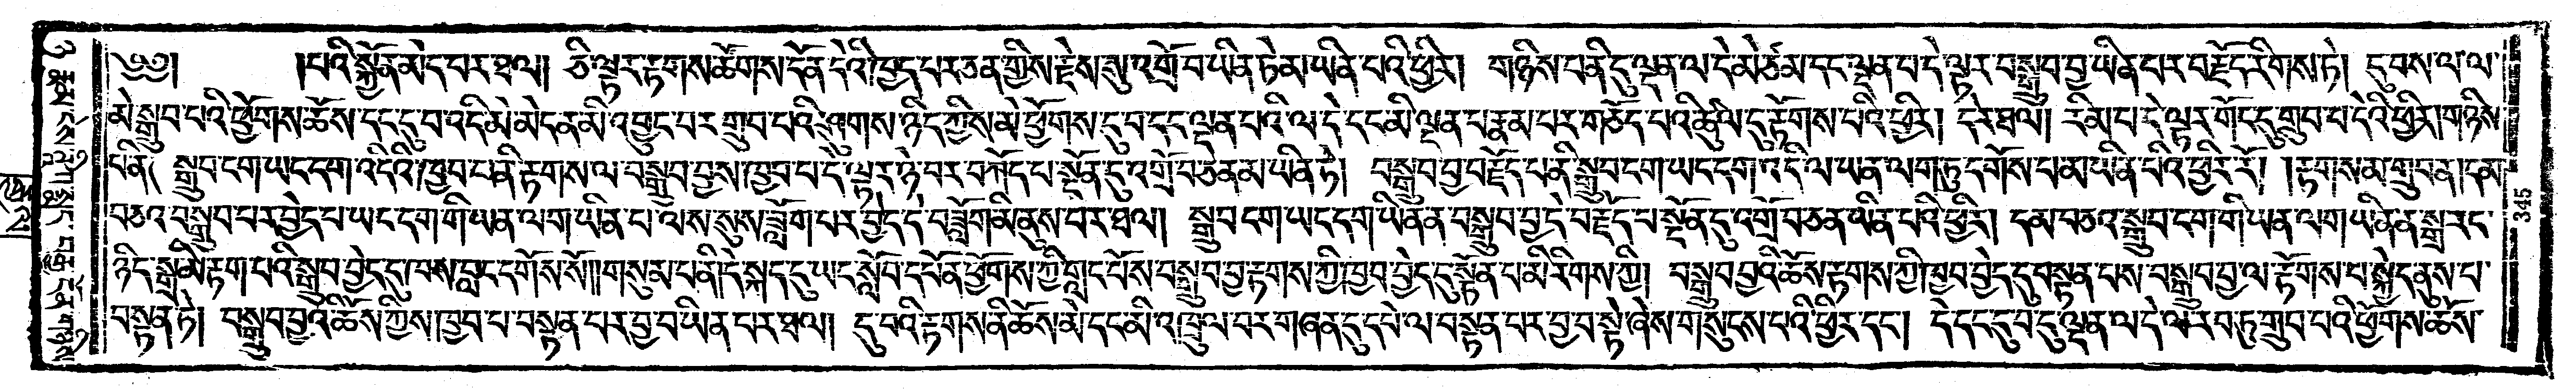༄༅། །པའི་སྐྱོན་མེད་པར་ཐལ། ཅི་ལྟར་རྟགས་ཚོགས་དོན་དེའི་ཁྱད་པར་ཅན་གྱིས་རྗེས་སུ་འགྲོ་བ་ཡིན་ཏེ་མ་ཡིན་པའི་ཕྱིར། གཉིས་པ་ནི་དུ་ལྡན་ལ་དེ་མེ་ཙམ་དང་ལྡན་པ་དེ་ལྟར་བསྒྲུབ་བྱ་ཡིན་པར་བརྗོད་རིགས་ཏེ། དུ་བས་ལ་ལ་
མེ་སྒྲུབ་པའི་ཕྱོགས་ཆོས་དང་དུ་བ་འདི་མེ་མེད་ན་མི་འབྱུང་བར་གྲུབ་པའི་ཤུགས་ཉིད་ཀྱིས་མེ་ཕྱོགས་དུ་བ་དང་ལྡན་པའི་ལ་དེ་དང་མི་ལྡན་པ་རྣམ་པར་གཅོད་པའི་ཚུལ་དུ་རྟོགས་པའི་ཕྱིར། དེར་ཐལ། རིམ་པ་དེ་ལྟར་གོང་དུ་གྲུབ་པ་དེའི་ཕྱིར། གཉིས་
པ་ནི༑ སྒྲུབ་ངག་ཡང་དག་འདིའི་ཁྱབ་པ་ནི་རྟགས་ལ་བསྒྲུབ་བྱས་ཁྱབ་པ་དེ་ལྟར་ཉེ་བར་བཀོད་པ་སྔོན་དུ་འགྲོ་བ་ཅན་མ་ཡིན་ཏེ། བསྒྲུབ་བྱ་བརྗོད་པ་ནི་སྒྲུབ་ངག་ཡང་དག་འདི་ལ་ཡན་ལག་ཏུ་དགོས་པ་མ་ཡིན་པའི་ཕྱིར་རོ། །རྟགས་མ་གྲུབ་ན། དམ་
བཅའ་བསྒྲུབ་པར་བྱེད་པ་ཡང་དག་གི་ཡན་ལག་ཡིན་པ་ལས་སུས་ཟློག་པར་བྱེད་དེ་བཟློག་མི་ནུས་པར་ཐལ། སྒྲུབ་ངག་ཡང་དག་ཡིན་ན་བསྒྲུབ་བྱ་དེ་བརྗོད་པ་སྔོན་དུ་འགྲོ་བ་ཅན་ཡིན་པའི་ཕྱིར། དམ་བཅའ་སྒྲུབ་ངག་གི་ཡན་ལག་ཡིན་ན་སྒྲ་རང་
ཉིད་སྒྲ་མི་རྟག་པའི་སྒྲུབ་བྱེད་དུ་ཁས་བླང་དགོས་སོ། །གསུམ་པ་ནི། དེ་སྐད་དུ་ཡང་སློབ་དཔོན་ཕྱོགས་ཀྱི་གླང་པོས་བསྒྲུབ་བྱ་རྟགས་ཀྱི་ཁྱབ་བྱེད་དུ་སྟོན་པ་མི་རིགས་ཀྱི། བསྒྲུབ་བྱའི་ཆོས་རྟགས་ཀྱི་ཁྱབ་བྱེད་དུ་བསྟན་པས་བསྒྲུབ་བྱ་ལ་རྟོགས་པ་སྐྱེད་ནུས་པ་
བསྟན་ཏེ། བསྒྲུབ་བྱའི་ཆོས་ཀྱིས་ཁྱབ་པ་བསྟན་པར་བྱ་བ་ཡིན་པར་ཐལ། དུ་བའི་རྟགས་ནི་ཆོས་མེ་དང་མི་འཁྲུལ་བར་གཞན་དུ་དཔེ་ལ་བསྟན་པར་བྱ་བ་སྟེ་ཞེས་གསུངས་པའི་ཕྱིར་དང་། དེ་དང་དུ་བ་དུ་ལྡན་ལ་དེ་ལ་རབ་ཏུ་གྲུབ་པའི་ཕྱོགས་ཆོས་